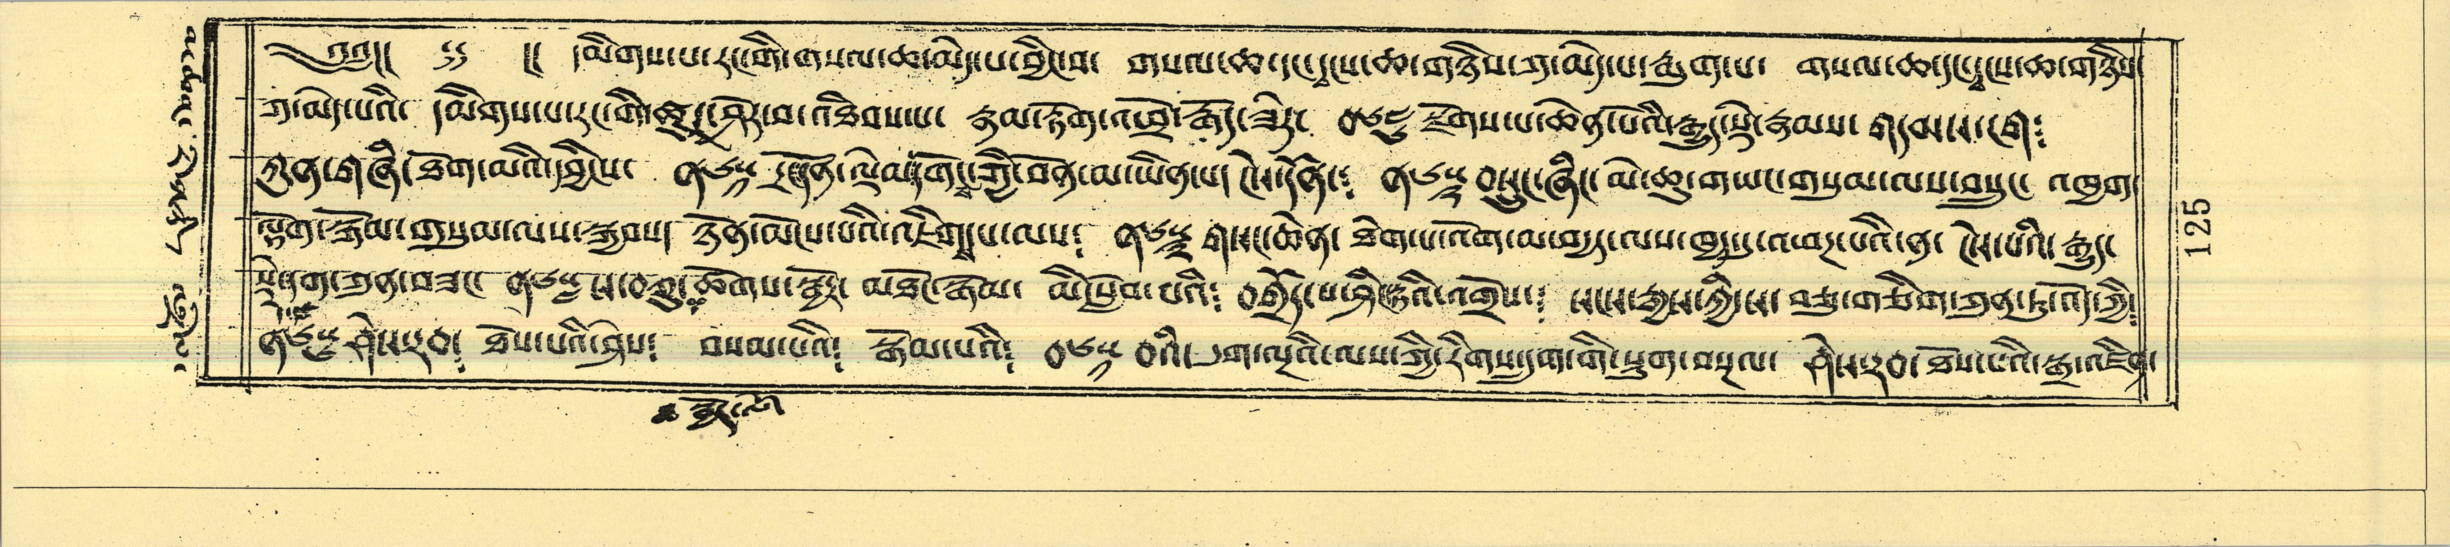དམིགས་པ་རང་གི་གསལ་ཆ་མེད་པ་བྱིངས་པ། གསལ་ཆ་དང་དྭངས་ཆ་གཉིས་ཀ་མེད་པ་རྨུག་པ། གསལ་ཆ་དང་དྭངས་གཉིས་
ཀ་མེད་པའི་ དམིགས་པ་རང་གི་ཚུགས་ཤོར་བ་འཐིབས་པ། རྣམ་རྟོག་འཕྲོ་རྒོད་ཟེར། བ༦༤།༦རྫོགས་པ་ཆེན་པའི་རྒྱུད་སྡེ་རྣམས་༼གདམས་ངག༽ 
༼ཀུན་གཞི༽ཐོག་མའི་དབྱིངས་ ན༦༥།༡ དྲང་དོན་ལྡེམ་དགོངས་ཀྱི་བོན་མ་ཡིན་པ་༼ངེས་དོན༽ ན༦༥།༢བསྲུང་ཞིང་མེ་ཆུ་གཡང་གསུམ་ལས་བསྲུང་ འཁྱག་
ལྟོགས་སྐོམ་གསུམ་ལས་སྐྱབས། ཉོན་མོངས་པའི་འཇིགས་པ་ལས་ ན༦༥།༣༼གསང་ཆེན༽ཐེག་པ་འོག་མ་བརྒྱད་ལས་ཁྱད་དུ་འཕགས་པས་ན་ ངེས་པའི་རྒྱུད་
སྡེ་དེ་དག་ཀུན་བཟང་ ན༦༥།༤ ༼ས་བཅུ༽ཚོགས་སྦྱོར་ མཐོང་སྒོམ་ མི་སློབ་པའི་༼བགྲོད༽པ་ཤིང་རྟའི་འགྲོས་༼སངས་རྒྱས་ཀྱི་ས༽བཅུ་གཅིག་ཀུན་ཏུ་འོད་ཀྱི་
ན༦༥།༦༼ཤེས་རབ༽ཐོས་པའི་ ཤེས་རབ་ བསམ་པའི་ ཤེས་རབ་ སྒོམ་པའི་ ཤེས་རབ་ བ༦༥།༡༼བའི༽དུག་ལྔའི་ལས་ཀྱི་རིགས་དྲུག་གི་སྡུག་བསྔལ་ ༼ཤེས་རབ༽ཐོས་པའི་སྒྲ་འཛིན་